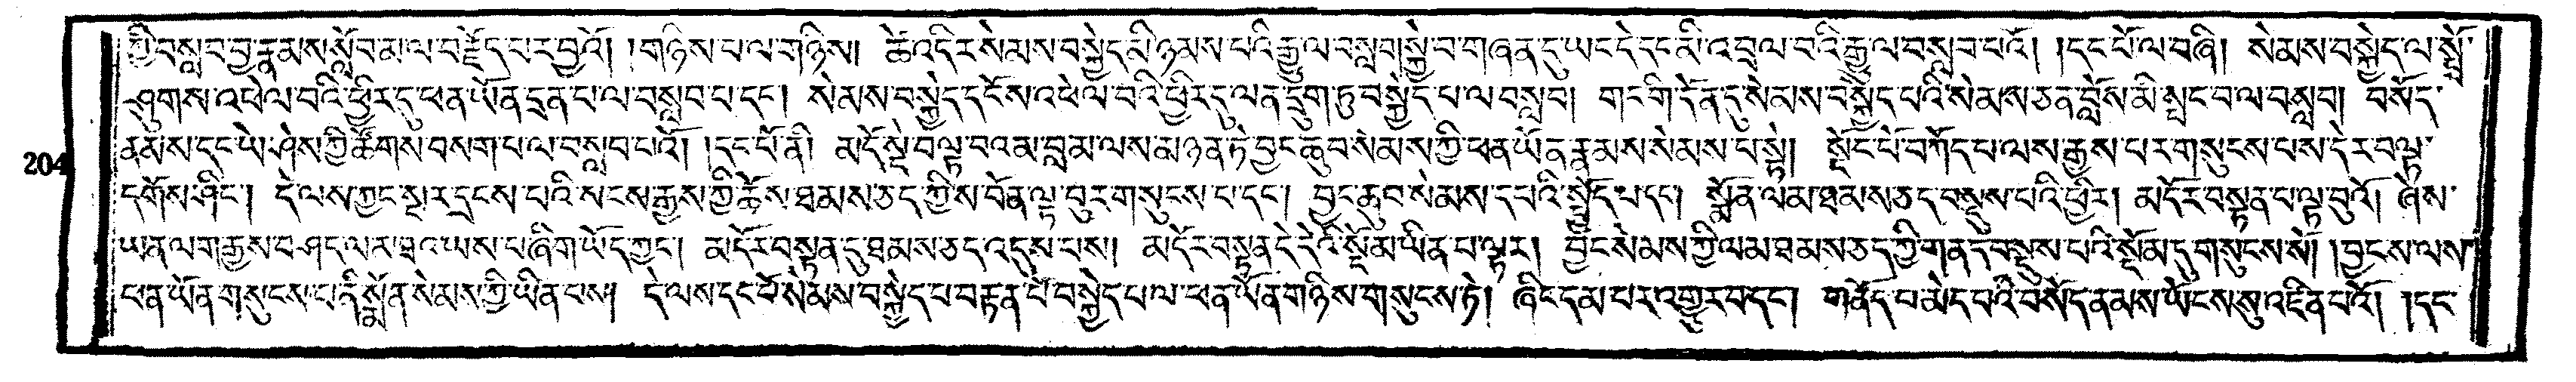ཀྱི་བསླབ་བྱ་རྣམས་སློབ་མ་ལ་བརྗོད་པར་བྱའོ། །གཉིས་པ་ལ་གཉིས། ཚེ་འདིར་སེམས་བསྐྱེད་མི་ཉམས་པའི་རྒྱུ་ལ་བསླབ། སྐྱེ་བ་གཞན་དུ་ཡང་དེ་དང་མི་འབྲལ་བའི་རྒྱུ་ལ་བསླབ་པའོ། །དང་པོ་ལ་བཞི། སེམས་བསྐྱེད་ལ་སྤྲོ་
ཤུགས་འཕེལ་བའི་ཕྱིར་དུ་ཕན་ཡོན་དྲན་པ་ལ་བསླབ་པ་དང་། སེམས་བསྐྱེད་དངོས་འཕེལ་བའི་ཕྱིར་དུ་ལན་དྲུག་ཏུ་བསྐྱེད་པ་ལ་བསླབ། གང་གི་དོན་དུ་སེམས་བསྐྱེད་པའི་སེམས་ཅན་བློས་མི་སྤང་བ་ལ་བསླབ། བསོད་
ནམས་དང་ཡེ་ཤེས་ཀྱི་ཚོགས་བསག་པ་ལ་བསླབ་པའོ། །དང་པོ་ནི། མདོ་སྡེ་བལྟ་བའམ་བླ་མ་ལས་མཉན་ཏེ་བྱང་ཆུབ་སེམས་ཀྱི་ཕན་ཡོན་རྣམས་སེམས་པ་སྟེ། སྡོང་པོ་བཀོད་པ་ལས་རྒྱས་པར་གསུངས་པས་དེར་བལྟ་
དགོས་ཤིང་། དེ་ལས་ཀྱང་སྔར་དྲངས་པའི་སངས་རྒྱས་ཀྱི་ཆོས་ཐམས་ཅད་ཀྱིས་བོན་ལྟ་བུར་གསུངས་པ་དང་། བྱང་ཆུབ་སེམས་དཔའི་སྤྱོད་པ་དང་། སྨོན་ལམ་ཐམས་ཅད་བསྡུས་པའི་ཕྱིར། མདོར་བསྟན་པ་ལྟ་བུའོ། ཞེས་
ཡན་ལག་རྒྱས་བཤད་ལ་མཐའ་ཡས་པ་ཞིག་ཡོད་ཀྱང་། མདོར་བསྟན་དུ་ཐམས་ཅད་འདུས་པས། མདོར་བསྟན་དེ་དེའི་སྡོམ་ཡིན་པ་ལྟར། བྱང་སེམས་ཀྱི་ལམ་ཐམས་ཅད་ཀྱི་གནད་བསྡུས་པའི་སྡོམ་དུ་གསུངས་སོ། །བྱངས་ལས་
ཕན་ཡོན་གསུངས་པ་ནི་སྨོན་སེམས་ཀྱི་ཡིན་པས། དེ་ལས་དང་པོ་སེམས་བསྐྱེད་པ་བརྟན་པོ་བསྐྱེད་པ་ལ་ཕན་ཡོན་གཉིས་གསུངས་ཏེ། ཞིང་དམ་པར་འགྱུར་བ་དང་། གནོད་པ་མེད་པའི་བསོད་ནམས་ཡོངས་སུ་འཛིན་པའོ། །དང་